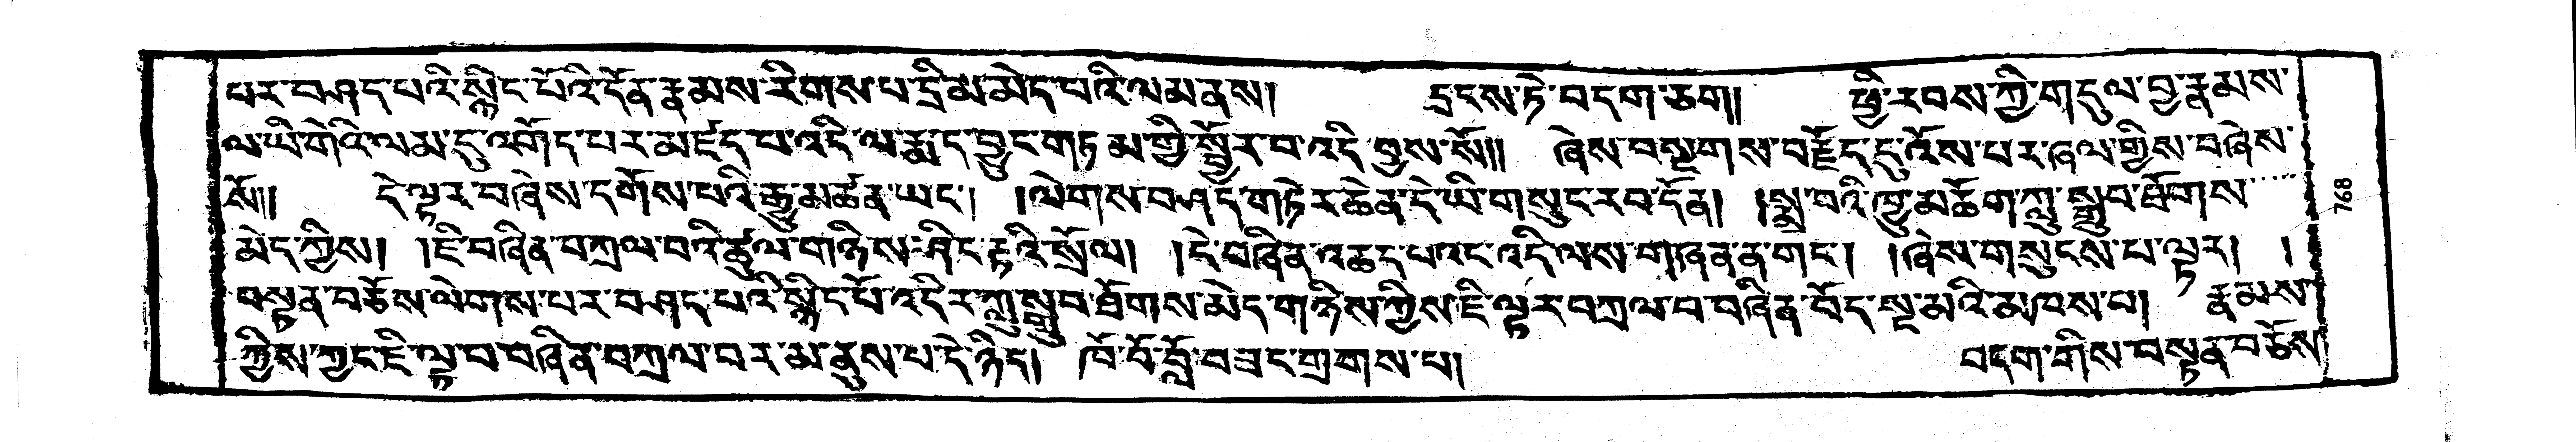པར་བཤད་པའི་སྙིང་པོའི་དོན་རྣམས་རིགས་པ་དྲི་མ་མེད་པའི་ལམ་ནས། དྲངས་ཏེ་བདག་ཅག། ཕྱི་རབས་ཀྱི་གདུལ་བྱ་རྣམས་
ལ་ཡི་གེའི་ལམ་དུ་འགོད་པར་མཛད་པ་འདི་ལ་རྨད་བྱུང་གཏམ་གྱི་སྦྱོར་བ་འདི་བྱས་སོ།། ཞེས་བསྔགས་བརྗོད་དུ་འོས་པར་ཞལ་གྱིས་བཞེས་
སོ།། དེ་ལྟར་བཞེས་དགོས་པའི་རྒྱུ་མཚན་ཡང་། །ལེགས་བཤད་གཏེར་ཆེན་དེ་ཡི་གསུང་རབ་དོན། །སྨྲ་བའི་ཁྱུ་མཆོག་ཀླུ་སྒྲུབ་ཐོགས་
མེད་ཀྱིས། །ཇི་བཞིན་བཀྲལ་བའི་ཚུལ་གཉིས་ཤིང་རྟའི་སྲོལ། །དེ་བཞིན་འཆད་པའང་འདི་ལས་གཞན་ན་གང་། །ཞེས་གསུངས་པ་ལྟར། །
བསྟན་བཅོས་ལེགས་པར་བཤད་པའི་སྙིང་པོ་འདིར་ཀླུ་སྒྲུབ་ཐོགས་མེད་གཉིས་ཀྱིས་ཇི་ལྟར་བཀྲལ་བ་བཞིན་བོད་སྔ་མའི་མཁས་པ། རྣམས་
ཀྱིས་ཀྱང་ཇི་ལྟ་བ་བཞིན་བཀྲལ་བར་མ་ནུས་པ་དེ་ཉིད། ཁོ་བོ་བློ་བཟང་གྲགས་པ། བདག་གིས་བསྟན་བཅོས་